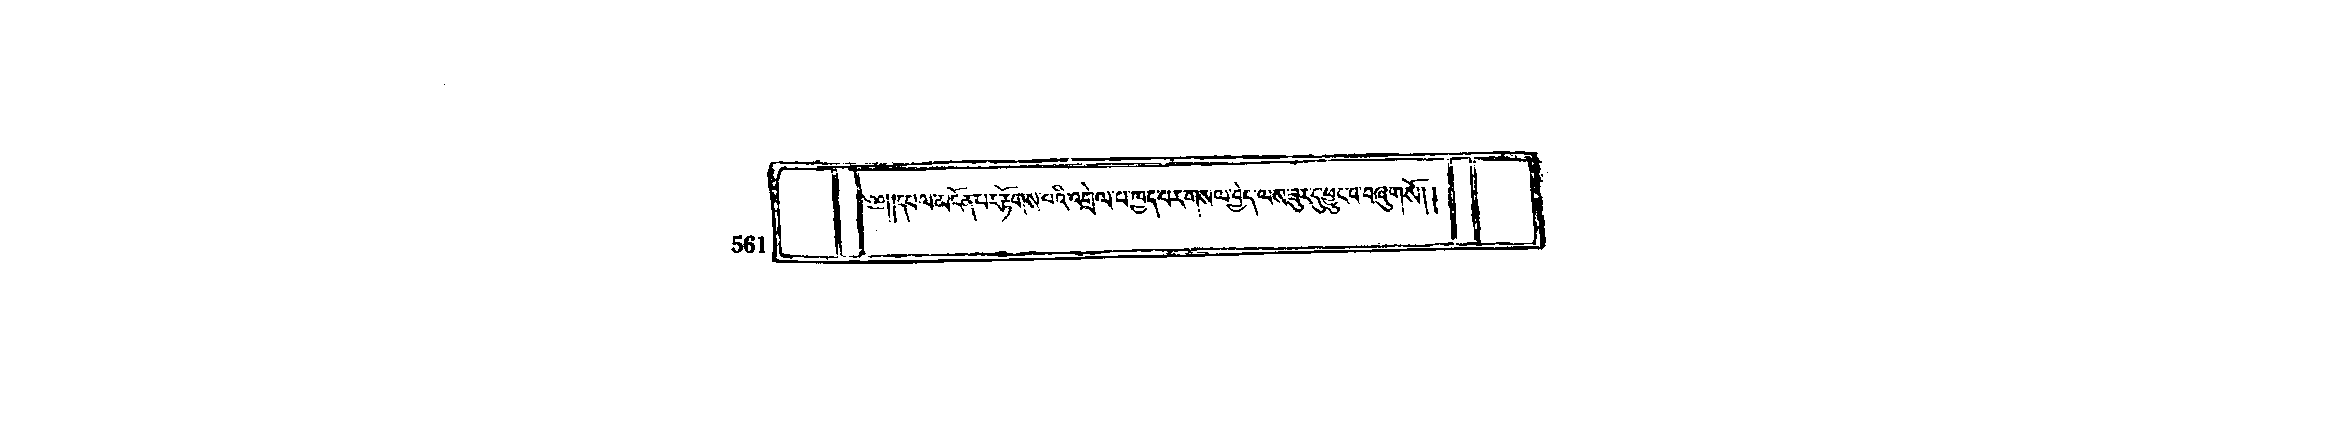༄༅། །དཔལ་མངོན་པར་རྟོགས་པའི་འགྲེལ་པ་ཁྱད་པར་གསལ་བྱེད་ལས་ཟུར་དུ་ཕྱུང་བ་བཞུགས་སོ། །